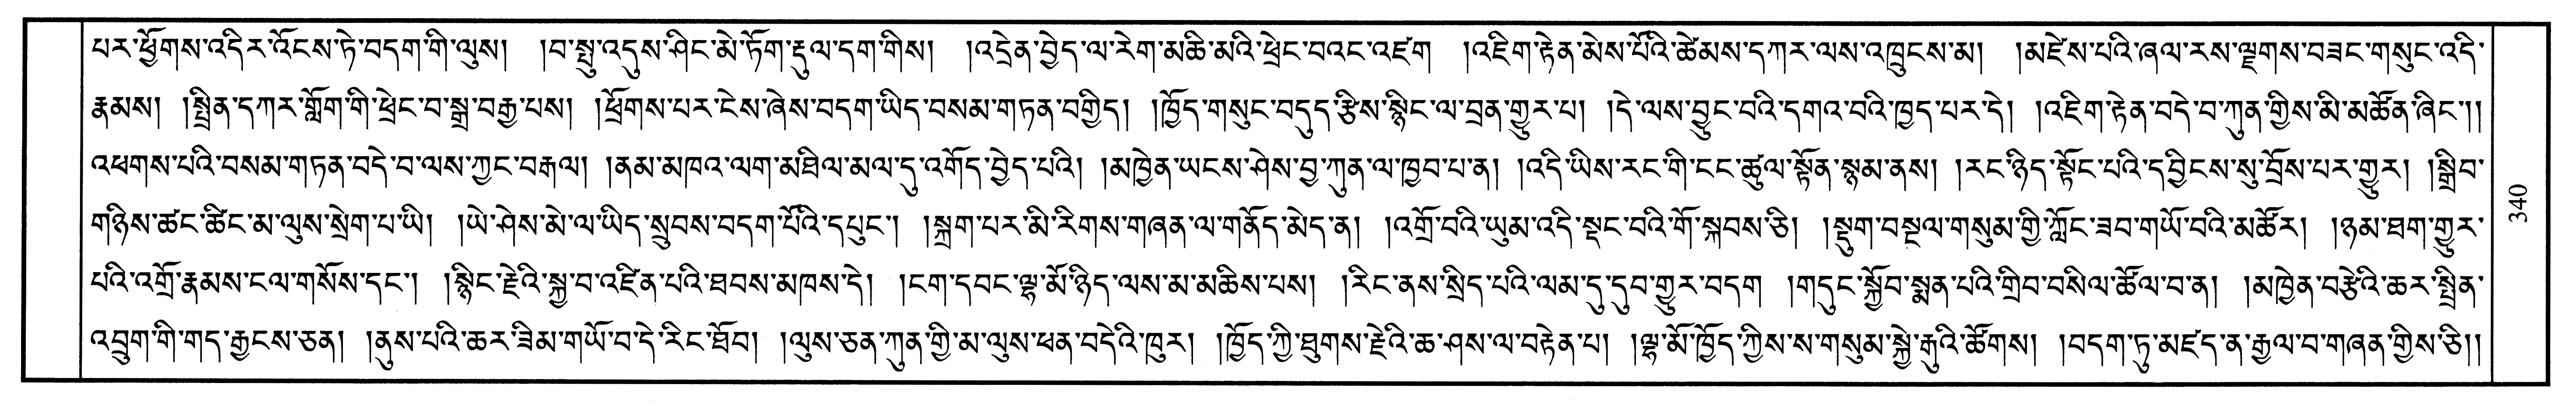པར་ཕྱོགས་འདིར་འོངས་ཏེ་བདག་གི་ལུས། །བ་སྤུ་འདུས་ཤིང་མེ་ཏོག་རྡུལ་དག་གིས། །འདྲེན་བྱེད་ལ་རེག་མཆི་མའི་ཕྲེང་བའང་འཛག །འཇིག་རྟེན་མེས་པོའི་ཚེམས་དཀར་ལས་འཁྲུངས་མ། །མཛེས་པའི་ཞལ་རས་ལྗགས་བཟང་གསུང་འདི་
རྣམས། །སྤྲིན་དཀར་གློག་གི་ཕྲེང་བ་སྒྲ་བརྒྱ་པས། །ཕྲོགས་པར་ངེས་ཞེས་བདག་ཡིད་བསམ་གཏན་བགྱིད། །ཁྱོད་གསུང་བདུད་རྩིས་སྙིང་ལ་བྲན་གྱུར་པ། །དེ་ལས་བྱུང་བའི་དགའ་བའི་ཁྱད་པར་དེ། །འཇིག་རྟེན་བདེ་བ་ཀུན་གྱིས་མི་མཚོན་ཞིང།།
འཕགས་པའི་བསམ་གཏན་བདེ་བ་ལས་ཀྱང་བརྒལ། །ནམ་མཁའ་ལག་མཐིལ་མལ་དུ་འགོད་བྱེད་པའི། །མཁྱེན་ཡངས་ཤེས་བྱ་ཀུན་ལ་ཁྱབ་པ་ན། །འདི་ཡིས་རང་གི་ངང་ཚུལ་སྟོན་སྙམ་ནས། །རང་ཉིད་སྟོང་པའི་དབྱིངས་སུ་བྲོས་པར་གྱུར། །སྒྲིབ་
གཉིས་ཚང་ཚིང་མ་ལུས་སྲེག་པ་ཡི། །ཡེ་ཤེས་མེ་ལ་ཡིད་སྲུབས་བདག་པོའི་དཔུང་། །སྐྲག་པར་མི་རིགས་གཞན་ལ་གནོད་མེད་ན། །འགྲོ་བའི་ཡུམ་འདི་སྡང་བའི་གོ་སྐབས་ཅི། །སྡུག་བསྔལ་གསུམ་གྱི་ཀློང་ཟབ་གཡོ་བའི་མཚོར། །ཉམ་ཐག་གྱུར་
པའི་འགྲོ་རྣམས་ངལ་གསོས་དང་། །སྙིང་རྗེའི་སྐྱ་བ་འཛིན་པའི་ཐབས་མཁས་དེ། །ངག་དབང་ལྷ་མོ་ཉིད་ལས་མ་མཆིས་པས། །རིང་ནས་སྲིད་པའི་ལམ་དུ་དུབ་གྱུར་བདག །གདུང་སྐྱོབ་སྨན་པའི་གྲིབ་བསིལ་ཚོལ་བ་ན། །མཁྱེན་བརྩེའི་ཆར་སྤྲིན་
འབྲུག་གི་གད་རྒྱངས་ཅན། །ནུས་པའི་ཆར་ཟིམ་གཡོ་བ་དེ་རིང་ཐོབ། །ལུས་ཅན་ཀུན་གྱི་མ་ལུས་ཕན་བདེའི་ཁུར། །ཁྱོད་ཀྱི་ཐུགས་རྗེའི་ཆ་ཤས་ལ་བརྟེན་པ། །ལྷ་མོ་ཁྱོད་ཀྱིས་ས་གསུམ་སྐྱེ་རྒུའི་ཚོགས། །བདག་ཏུ་མཛད་ན་རྒྱལ་བ་གཞན་གྱིས་ཅི།།